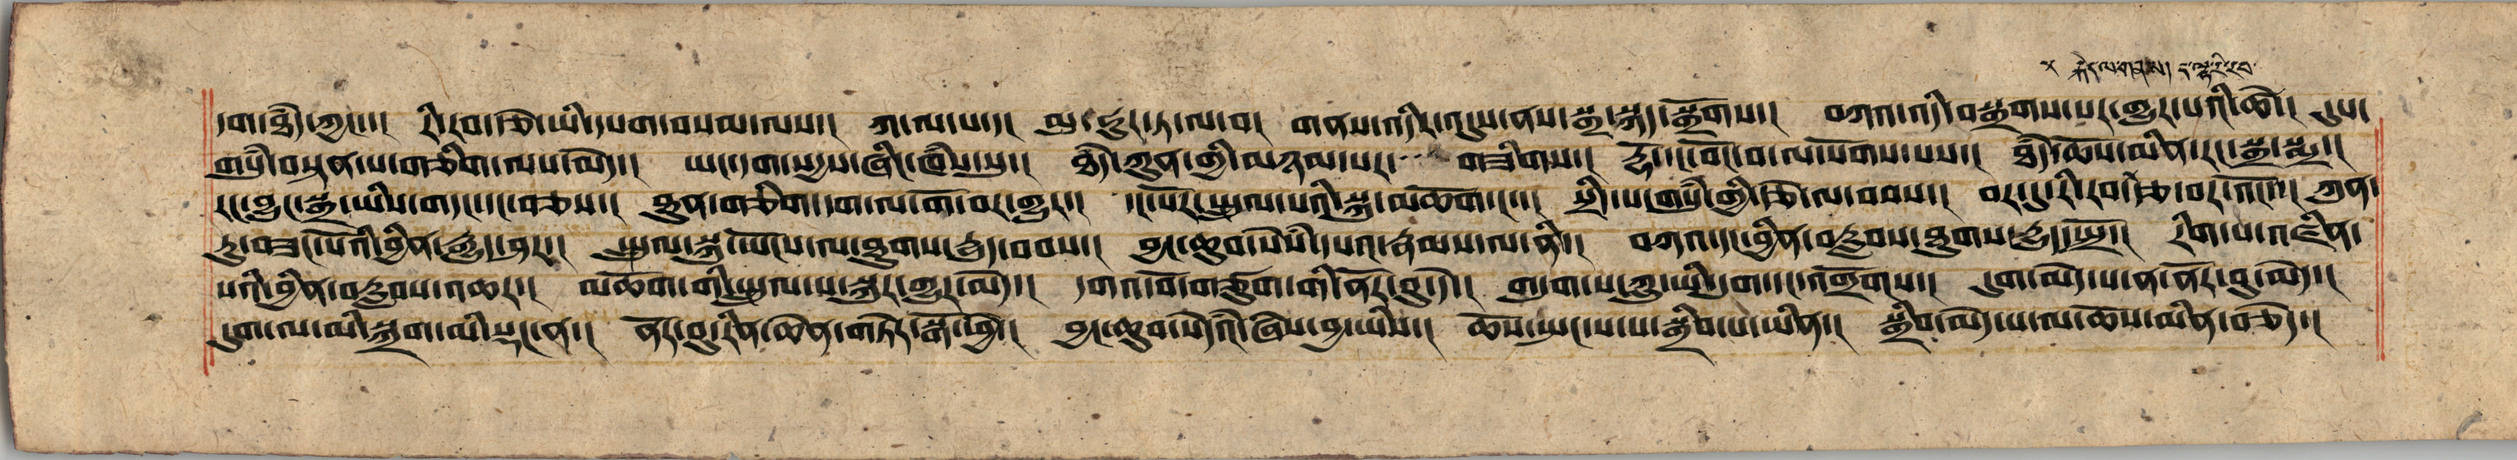དག་ཐཾད་ཀྱང་་། རི་རབ་རྩེ་ཡི་དཔག་བསམ་ལས་། ཀ་ལ་པ་དང མུ་ཧུར་ཏ་ལ་བ། གནས་འདིར་འདུས་ནས་སྒྲ་སྐད་སྒྲོགས་། བཀའ་འདི་བསྒྲགས་པར་གྱུར་པའི་ཚེ་། དུས་
གསུཾ་བསྟན་པ་གཅིག་ལས་མེད་། ཡང་དག་སདྱས་ཞིང་ཁཾས་སུ་། ཐཾད་ཀུན་གྱི་མཉམ་པར་ གཟིགས་། རྡོ་དང་བོང་བ་ལ་སོགས་པས་། ཐཾད་ཆོས་མིན་རང་སྒྲ་སྨྲ་།
རང་བྱུང་སྒྲ་ཡིས་གདང་དང་བཅས་། ཐུན་གཅིག་དག་ལ་གོ་བར་འགྱུར་། དང་པོར་སྤྲུལ་པའི་སྐུ་མཆོག་དང་་། སྲིད་པ་གསུཾ་གྱི་རྩེ་ལ་བབས་། བར་དུ་རི་རབ་རྩ་བར་འོང་་། ཀུན་
ཏུ་བཟང་པོའི་བྱིན་རྒྱུད་ཤར་། སྤྲུལ་སྐུ་ཡོངས་ལ་ཐུགས་རྒྱུད་བབས་། བྱང་ཆུབ་སེཾས་དཔའ་རྣམས་ལ་ནི་། བཀའ་དང་བྱིན་བརླབས་ཐུགས་དྱུད་སྤྲོ་། རིག་པ་འཛིན་
པའི་བྱིན་བརླབས་འཆར་། མཆོག་གི་སྤྲུལ་པ་སྐུར་གྱུར་མེད་། དགའ་བོ་གཙུག་གི་ནོར་བུ་དེ་། གདུག་པ་ཀླུ་ཡི་དུག་དང་འགྲོགས་། དུག་མེད་པ་ན་ནོར་བུ་མེད་།
དུག་ལ་མི་སྐྲག་མི་སྡང་ན་། ནོར་བུ་རིན་ཆེན་གཏེར་སྒོ་ཕྱེ་། བྱང་ཆུབ་སེདའཾ་ཞེས་བྱ་ཡིས་། ཆོས་སྤང་ས་པ་སྒྲིབ་པ་ཡིན་། སྒྲིབ་མེད་པ་ལ་ཆོས་མིན་བཅོད་།